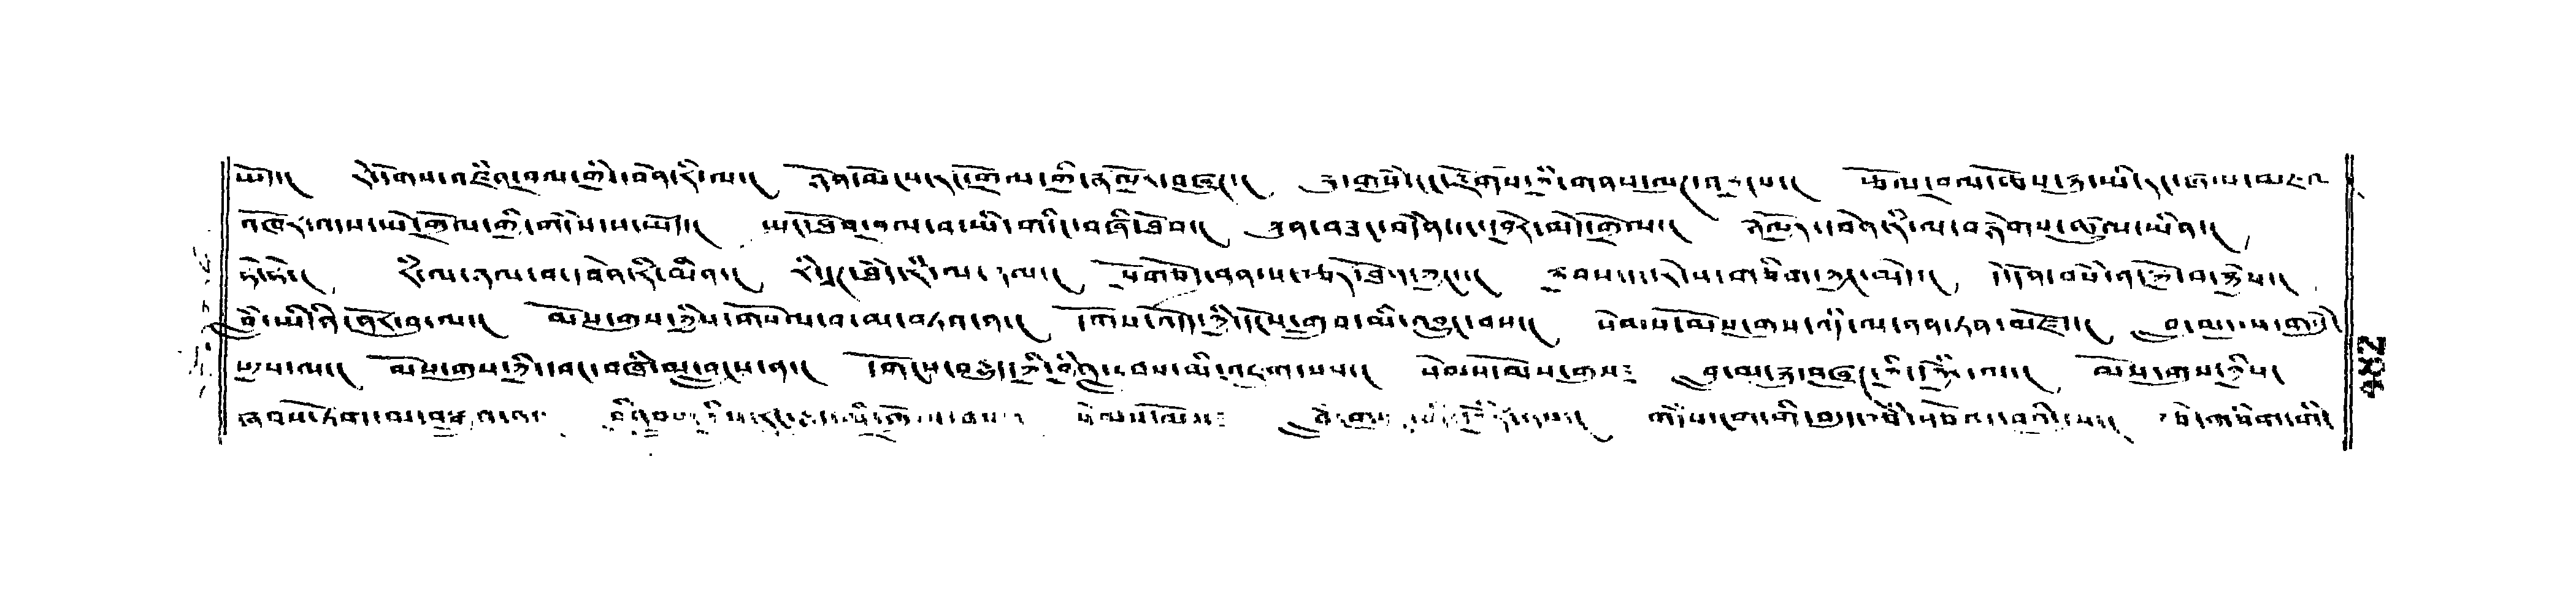ཡོད། །རེ་དོགས་འཛིན་བྲལ་གྱི་དབེན་རི་ལ། །ཉོན་མོངས་རང་གྲོལ་གྱི་རྣལ་འབྱོར་བཞུགས། །སྐུ་གསུམ་ངང་རྫོགས་ཀྱི་གནས་ལུགས་བསྐྱངས། །རྩོལ་བྲལ་ཆོས་སྐུ་ཡི་རང་ཞལ་མཇལ། །
འཁོར་འདས་ཡེ་གྲོལ་གྱི་གདམས་པ་ཡོད། །སྤང་ཐོབ་བྲལ་བ་ཡི་གདིང་བཞི་ཐོབ། །ཀུན་བཟང་བདེ་ཆེན་དང་དབྱེར་མེད་གྲོལ། །རྣལ་འབྱོར་དབེན་རི་ལ་བསྙེགས་ཚུལ་ཡིན།
ཧེ་ཧེ། །རི་ལ་ཉལ་བ་དབེན་རི་མིན། །རི་དྭགས་ཐམས་ཅད་རི་ལ་ཉལ། །སྲོག་གཅོད་ཤན་པ་རྩར་ཐོན་ཀྱང་། །སྐྱབས་དང་རེ་ས་གཅིག་ཀྱང་མེད། །དེ་དོན་བསམ་ན་སྐྱོ་བ་སྐྱེས། །
བླ་མ་ཡིད་བཞིན་ནོར་བུ་ལ། །མོས་གུས་ཀྱིས་གསོལ་བ་མ་བཏབ་ན། །དགོས་འདོད་ཀྱི་དངོས་གྲུབ་མི་འབྱུང་བས། །སེམས་མོས་གུས་འདི་ལ་ནན་ཏན་མཛོད། །བླ་མ་དུས་གསུམ་
སངས་རྒྱས་ལ། །མོས་གུས་ཀྱི་དབང་བཞི་མ་བླངས་ན། །དགོངས་བརྒྱུད་ཀྱི་བྱིན་རླབས་མི་འཇུག་པས། །སེམས་མོས་གུས༴ བླ་མ་སྐུ་བཞུགས་ཀྱི་དཀྱིལ་འཁོར་ལ། །མོས་གུས་ཀྱིས་
ཞབས་ཏོག་མ་བསྒྲུབ་ན། །བྱིན་རླབས་ཀྱིས་རང་རྒྱུད་མི་གྲོལ་བས། །སེམས་མོས༴ བླ་མའི་གསུང་གི་དཀྱིལ་འཁོར་ནས། །གདམས་ངག་གི་བདུད་རྩི་སྩོལ་བའི་དུས། །རྩེ་གཅིག་གི་